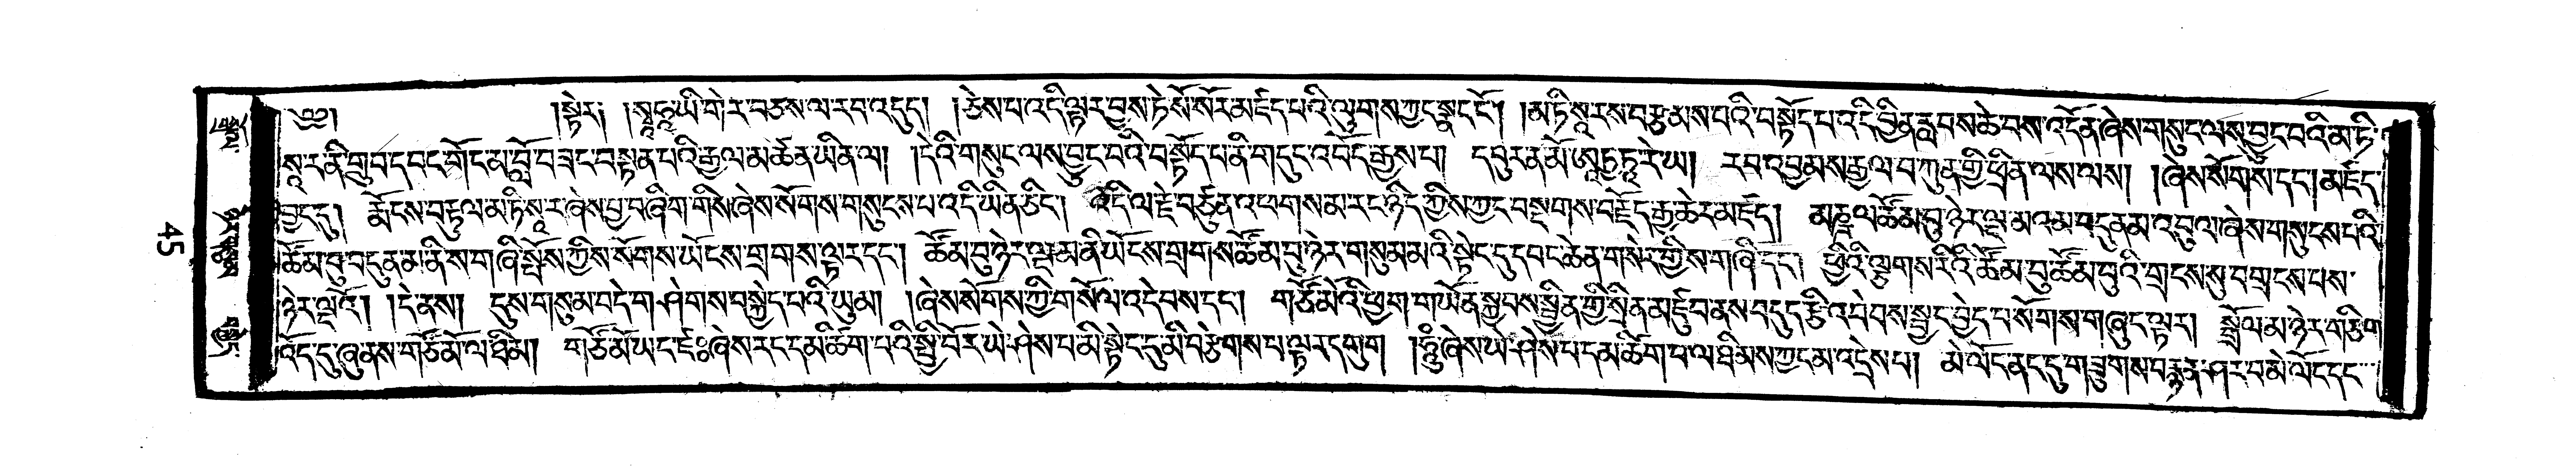༄༅། །སྟེར༑ ༑སྭཱཧཱ་ཡི་གེར་བཅས་ལ་རབ་འདུད། །ཅེས་པ་འདི་ལྟར་བྱས་ཏེ་སོ་སོར་མཛད་པའི་ལུགས་ཀྱང་སྣང་ངོ། །མ་ཏི་སཱ་རས་བརྩམས་པའི་བསྟོད་པ་འདི་བྱིན་རླབས་ཆེ་བས་འདོན་ཞེས་གསུང་ལས་བྱུང་བའི་མ་ཏི་
སཱ་ར་ནི་གྲུབ་དབང་གོང་མ་བློ་བཟང་བསྟན་པའི་རྒྱལ་མཚན་ཡིན་ལ། དེའི་གསུང་ལས་བྱུང་བའི་བསྟོད་པ་ནི་གདུང་འབོད་རྒྱས་པ། དབུར་ན་མོ་ཨཱརྱ་ཏཱ་རེ་མ། རབ་འབྱམས་རྒྱལ་བ་ཀུན་གྱི་ཕྲིན་ལས་ལས། །ཞེས་སོགས་དང་། མཛད་
བྱད་དུ། རྨོངས་རྟུལ་མ་ཏི་སཱ་ར་ཞེས་བྱ་བ་ཞིག་གིས་ཞེས་སོགས་གསུངས་པ་འདི་ཡིན་ཅིང་། འདི་ལ་རྗེ་བཙུན་འཕགས་མ་རང་ཉིད་ཀྱིས་ཀྱང་བསྔགས་བརྗོད་རྒྱ་ཆེར་མཛད། མཎྜལ་ཚོམ་བུ་ཉེར་ལྔ་མའམ་བདུན་མ་འབུལ་ཞེས་གསུངས་པའི་
ཚོམ་བུ་བདུན་མ་ནི་ས་གཞི་སྤོས་ཀྱིས་སོགས་ཡོངས་གྲགས་ལྟར་དང་། ཚོམ་བུ་ཉེར་ལྔ་མ་ནི་ཡོངས་གྲགས་ཚོམ་བུ་ཉེར་གསུམ་མའི་སྟེང་དུ་དབང་ཆེན་གསེར་གྱི་ས་གཞི་དང་། ཕྱིའི་ལྕགས་རིའི་ཚོམ་བུ་ཚོམ་བུའི་གྲངས་སུ་བགྲངས་པས་
ཉེར་ལྔའོ། །དེ་ནས། དུས་གསུམ་བདེ་གཤེགས་བསྐྱེད་པའི་ཡུམ། །ཞེས་སོགས་ཀྱི་གསོལ་འདེབས་དང་། གཙོ་མོའི་ཕྱག་གཡོན་སྐྱབས་སྦྱིན་གྱི་སྲིན་མཛུབ་ནས་བདུད་རྩི་འབེབས་སྦྱང་བྱེད་པ་སོགས་གཞུང་ལྟར། སྒྲོལ་མ་ཉེར་གཅིག་
འོད་དུ་ཞུ་ནས་གཙོ་མོ་ལ་ཐིམ། གཙོ་མོ་ཡང་ཛཿཞེས་རང་དམ་ཚིག་པའི་སྤྱི་བོར་ཡེ་ཤེས་པ་མི་སྟེང་དུ་མི་བརྩེགས་པ་ལྟར་དགུག །ཧཱུཾ་ཞེས་ཡེ་ཤེས་པ་དམ་ཚིག་པ་ལ་ཐིམས་ཀྱང་མ་འདྲེས་པ། མེ་ལོང་ནང་དུ་གཟུགས་བརྙན་ཤར་བ་མེ་ལོང་དང་